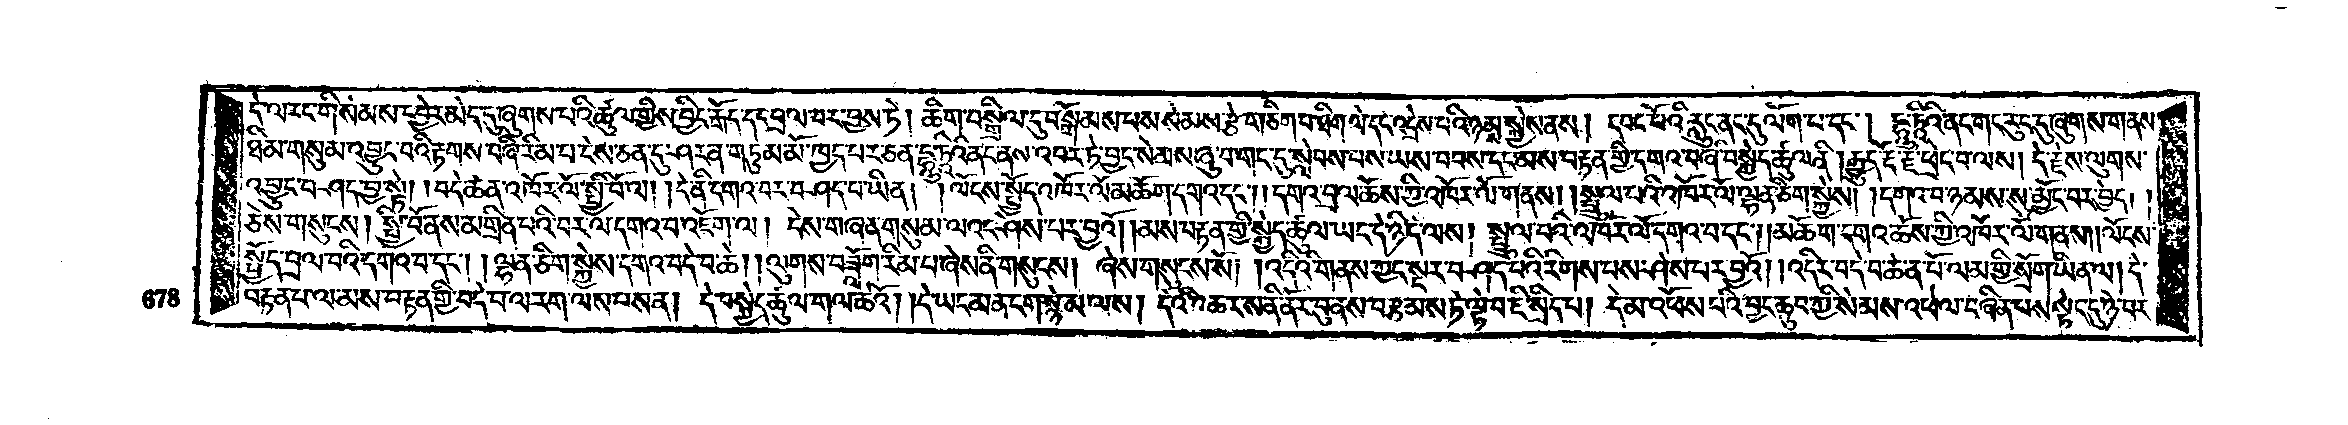དེ་ལ་རང་གི་སེམས་དབྱེར་མེད་དུ་ཞུགས་པའི་ཚུལ་གྱིས་བྱིང་རྒོད་དང་བྲལ་བར་བྱས་ཏེ། ཆིག་བསྒྲིལ་དུ་བསྒོམས་པས་སེམས་རྩེ་གཅིག་པ་ཐིག་ལེ་དང་འདྲེས་པའི་ཉམས་སྐྱེས་ནས། དབང་པོའི་རླུང་ནང་དུ་ལོག་པ་དང་། དྷཱུ་ཏཱིའི་ནང་གང་རུང་དུ་ཞུགས་གནས་
ཐིམ་གསུམ་འབྱུང་བའི་རྟགས་བཞི་རིམ་པ་ངེས་ཅན་དུ་ཤར་ན་གཏུམ་མོ་ཁྱད་པར་ཅན་དྷཱུ་ཏཱིའི་ནང་ནས་འབར་ཏེ་བྱང་སེམས་ཞུ་བ་གང་དུ་སླེབས་པས་ཡས་བབས་དང་མས་བརྟན་གྱི་དགའ་བཞི་བསྐྱེད་ཚུལ་ནི། རྒྱུད་རྡོ་རྗེ་ཕྲེང་བ་ལས། དེ་རྗེས་ལུགས་
འབྱུང་བཤད་བྱ་སྟེ། །བདེ་ཆེན་འཁོར་ལོ་སྤྱི་བོ་ལ། །དེ་ནི་དགའ་བར་བཤད་པ་ཡིན། །ལོངས་སྤྱོད་འཁོར་ལོ་མཆོག་དགའ་དང་། །དགའ་བྲལ་ཆོས་ཀྱི་འཁོར་ལོ་གནས། །སྤྲུལ་པའི་འཁོར་ལོ་ལྷན་ཅིག་སྐྱེས། །དགའ་བ་ཉམས་སུ་མྱོང་བར་བྱེད། །
ཅེས་གསུངས། སྤྱི་བོ་ནས་མགྲིན་པའི་བར་ལ་དགའ་བ་འཇོག་ལ། དེས་གཞན་གསུམ་ལའང་ཤེས་པར་བྱའོ། །མས་བརྟན་གྱི་སྐྱེད་ཚུལ་ཡང་དེ་ཉིད་ལས། སྤྲུལ་པའི་འཁོར་ལོ་དགའ་བ་དང་། །མཆོག་དགའ་ཆོས་ཀྱི་འཁོར་ལོ་གནས། །ལོངས་
སྤྱོད་བྲལ་བའི་དགའ་བ་དང་། །ལྷན་ཅིག་སྐྱེས་དགའ་བདེ་བ་ཆེ། །ལུགས་བཟློག་རིམ་པ་ཞེས་ནི་གསུངས། ཞེས་གསུངས་སོ། །འདིའི་གནས་ཀྱང་སྔར་བཤད་པའི་རིགས་པས་ཤེས་པར་བྱའོ། །འདིར་བདེ་བ་ཆེན་པོ་ལམ་གྱི་སྲོག་ཡིན་ལ། དེ་
བརྟན་པ་ལ་མས་བརྟན་གྱི་བདེ་བ་ལ་རག་ལས་པས་ན། དེ་བསྐྱེད་ཚུལ་གལ་ཆེའོ། །དེ་ཡང་མན་ངག་སྙེ་མ་ལས། དེའི་འཆར་ས་ནི་ནོར་བུ་ནས་བརྩམས་ཏེ་ལྟེ་བ་ཇི་སྲིད་པ། དེ་མ་འཕོས་པའི་བྱང་ཆུབ་ཀྱི་སེམས་འཕེལ་བཞིན་པས་སྟེང་དུ་ཉེ་བར་